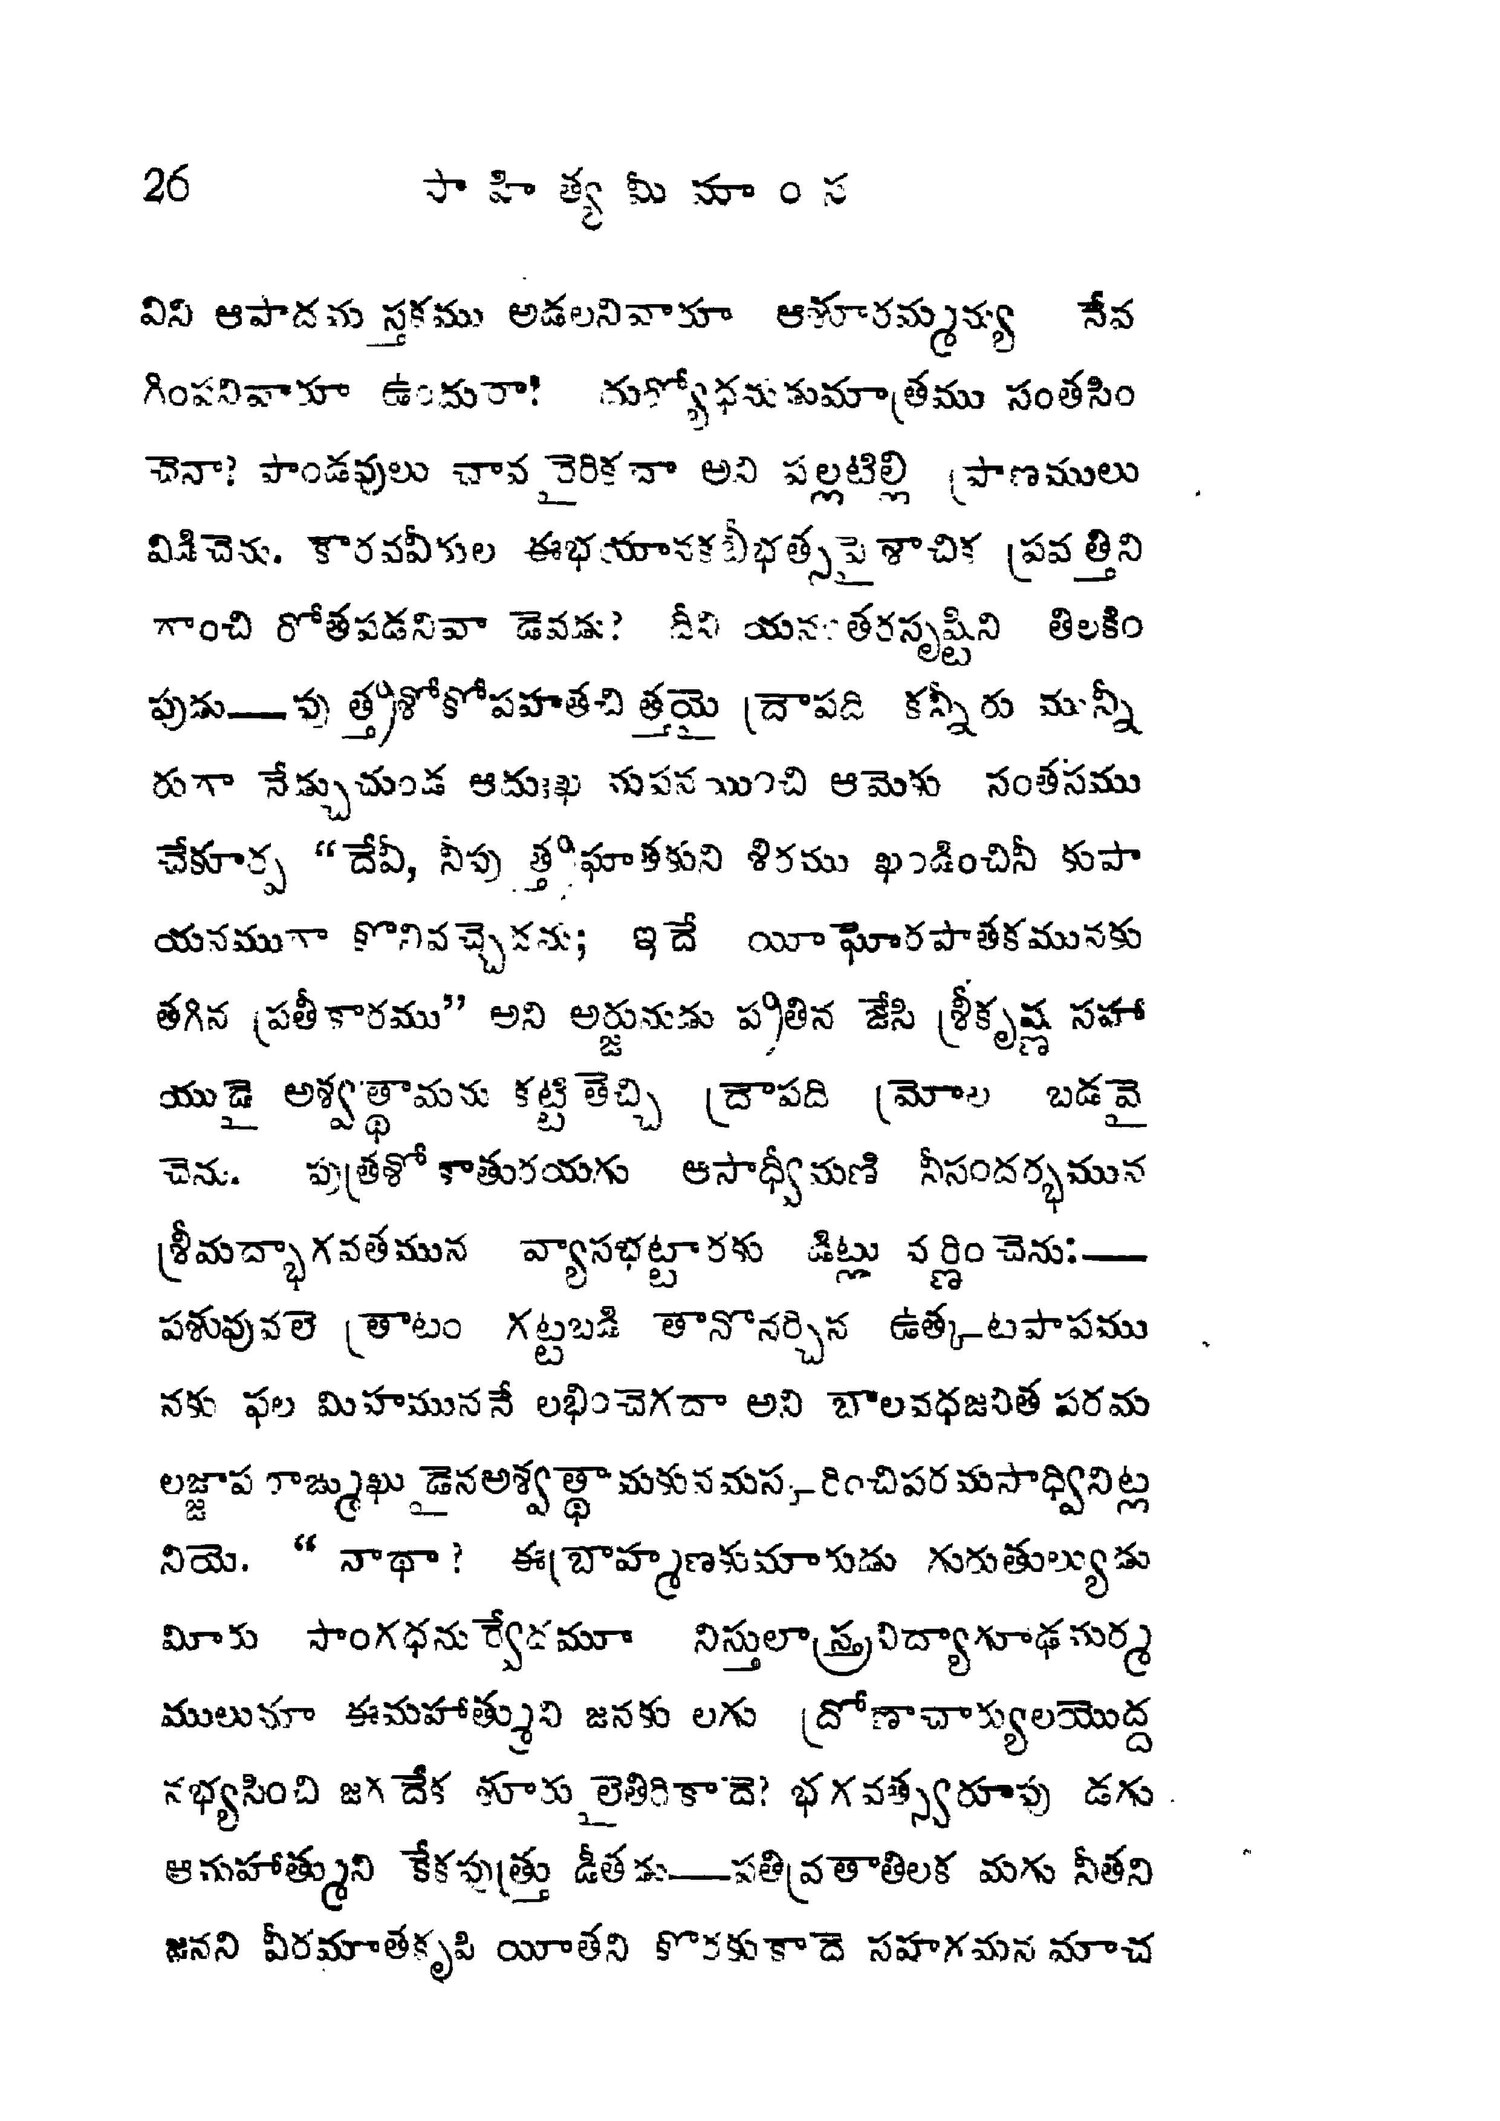విని ఆపాదమస్తకము అడలనివారూ ఆశూరమ్మన్యు నేవగింపనివారూ ఉందురా! దుర్యోధనుడుమాత్రము సంతసించెనా? పాండవులు చావరైరికదా అని పల్లటిల్లి ప్రాణములు విడిచెను. కౌరవవీరుల ఈభయానకబీభత్సపై శాచిక ప్రవృత్తిని గాంచి రోతపడనివా డెవడు? దీని యనంతరసృష్టిని తిలకింపుడు - పుత్త్రశోకోపహతచిత్తయై ద్రౌపది కన్నీరు మున్నీరుగా నేడ్చుచుండ ఆదు:ఖ మపనయించి ఆమెకు సంతసము చేకూర్ప "దేవీ, నీపుత్రఘాతకుని శిరము ఖండించినీ కుపాయనముగా కొనివచ్చెదను; ఇదే యీఘోరపాతకమునకు తగిన ప్రతీకారము" అని అర్జునుడు ప్రతిన జేసి శ్రీకృష్ణ సహాయుడై అశ్వత్థామను కట్టితెచ్చి ద్రౌపది మ్రోల బడవైచెను. పుత్రశోకాతురయగు ఆసాధ్వీమణి నీసందర్భమున శ్రీమద్భాగవతమున వ్యాసభట్టారకు డిట్లు వర్ణించెను : - పశువువలె త్రాటం గట్టబడి తానొనర్చిన ఉత్కటపాపమునకు ఫల మిహముననే లభించెగదా అని బాలవధజనిత పరమలజ్జాప రాఙ్ముఖు డైన అశ్వత్థామకునమస్కరించి పరమసాధ్వినిట్లనియె. "నాథా? ఈబ్రాహ్మణకుమారుడు గురుతుల్యుడు మీరు సాంగధనుర్వేదమూ నిస్తులాస్త్రవిద్యాగూఢమర్మములునూ ఈమహాత్ముని జనకు లగు ద్రోణాచార్యులయొద్ద నభ్యసించి జగదేక శూరులైతిరికాదె? భగవత్స్వరూపు డగు ఆమహాత్ముని కేకపుత్రు డీతడు - పతివ్రతాతిలక మగు నీతని జనని వీరమాతకృపి యీతని కొరకుకాదె సహగమన మాచ